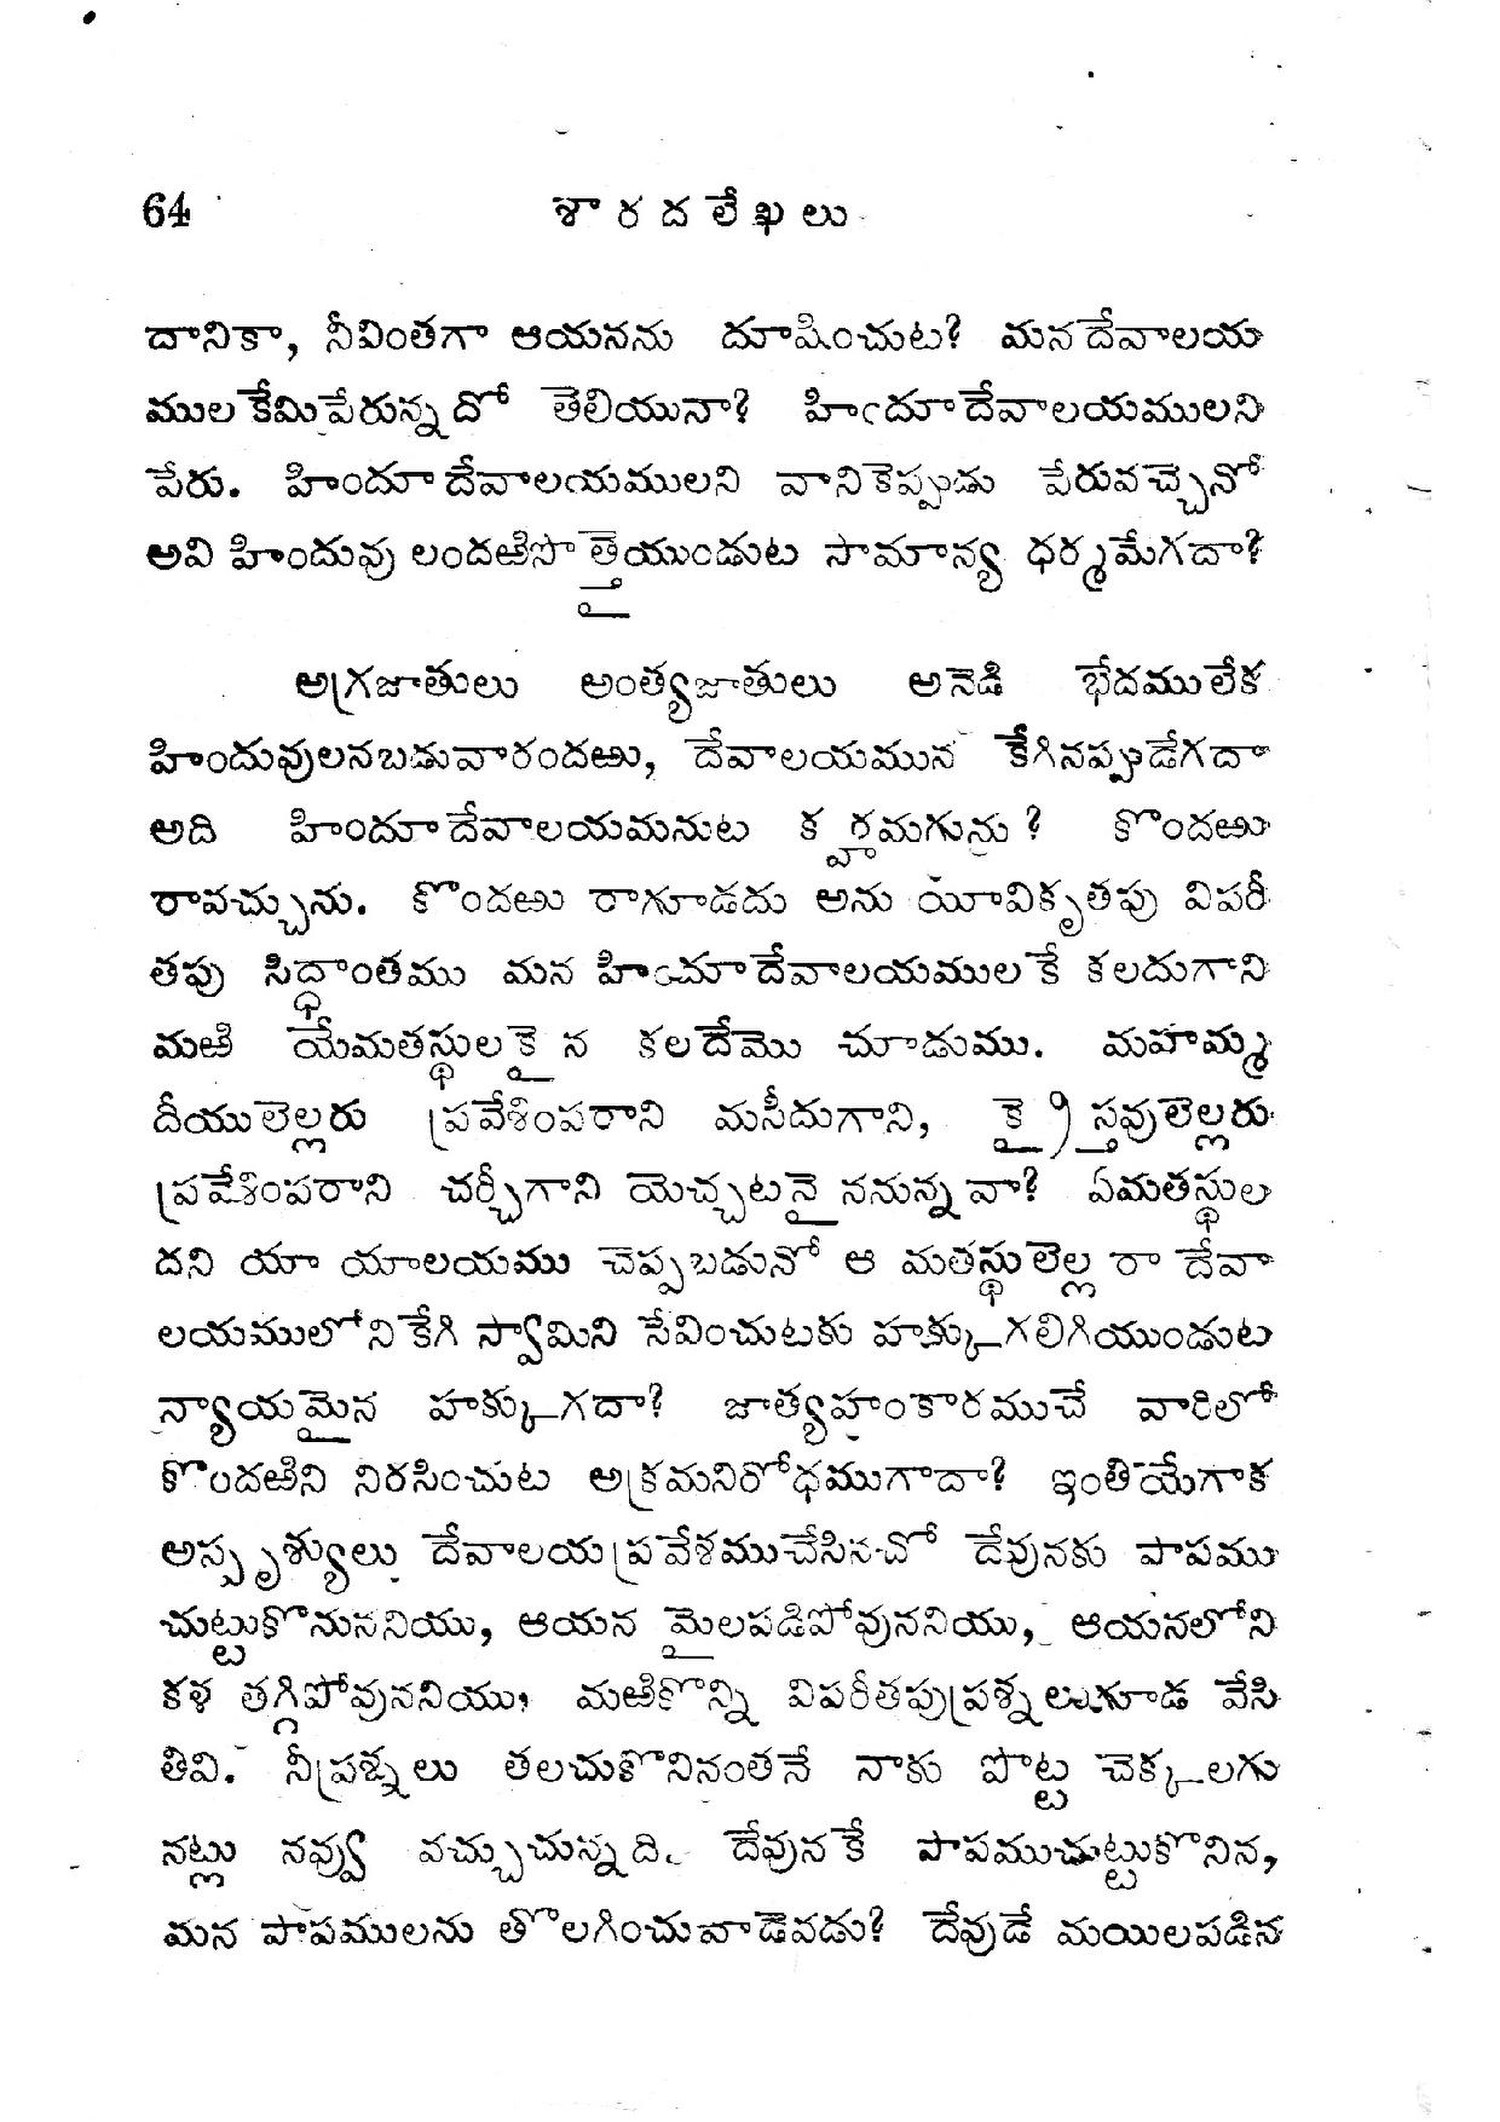దానికా, నీవింతగా ఆయనను దూషించుట? మన దేవాలయా
ముల కేమి పేరున్న దో తెలియునా? హిందూ దేవాలయములని
పేరు. హిందూ దేవాలయములని వానికెప్పుడు పేరువచ్చెనో
అవి హిందువు లందఱిసొతెయుండుట సామాన్య ధర్మమేగదా?

అగ్రజాతులు అంత్యజాతులు అనెడి భేదము లేక
హిందువులనబడు వారందఱు, దేవాలయమున కేగినప్పుడేగదా
అది హిందూ దేవాలయమనుట కర్హమగును? కొందఱు
రావచ్చును. కొందఱు రాగూడదు అను యీవికృతపు విపరీ
తపు సిద్దాంతము మన హిందూదేవాలయములకే కలదుగాని
మఱి యేమతస్థులకైన కలదేమొ చూడుము. మహమ్మ
దీయులెల్లరు ప్రవేశింపరాని మసీదుగాని, క్రైస్తవులెల్లరు
ప్రవేశింపరాని చర్చిగాని యెచ్చటనై ననున్న వా? ఏమతస్థుల
దని యా యాలయము చెప్పబడునో ఆ మతస్థు లెల్ల రా దేవా 
లయములోని కేగి స్వామిని సేవించుటకు హక్కుగలిగియుండుట
న్యాయమైన హక్కు గదా? జాత్యహంకారముచే వారిలో
కొందఱిని నిరసించుట అక్రమనిరోధముగాదా? ఇంతియేగాక
అస్పృశ్యులు దేవాలయ ప్రవేశము చేసినచో దేవునకు పాపము
చుట్టుకొనుననియు, ఆయన మైలపడిపోవుననియు, ఆయనలోని
కళ తగ్గిపోవుననియు, మఱికొన్ని విపరీతపు ప్రశ్నలు గూడ వేసి
తివి. నీ ప్రశ్నలు తలచుకొనినంతనే నాకు పొట్ట చెక్కలగు
నట్లు నవ్వు వచ్చుచున్నది. దేవునకే పాపముచుట్టుకొనిన,
మన పాపములను తొలగించువాడెవడు? దేవుడే మయిలపడిన